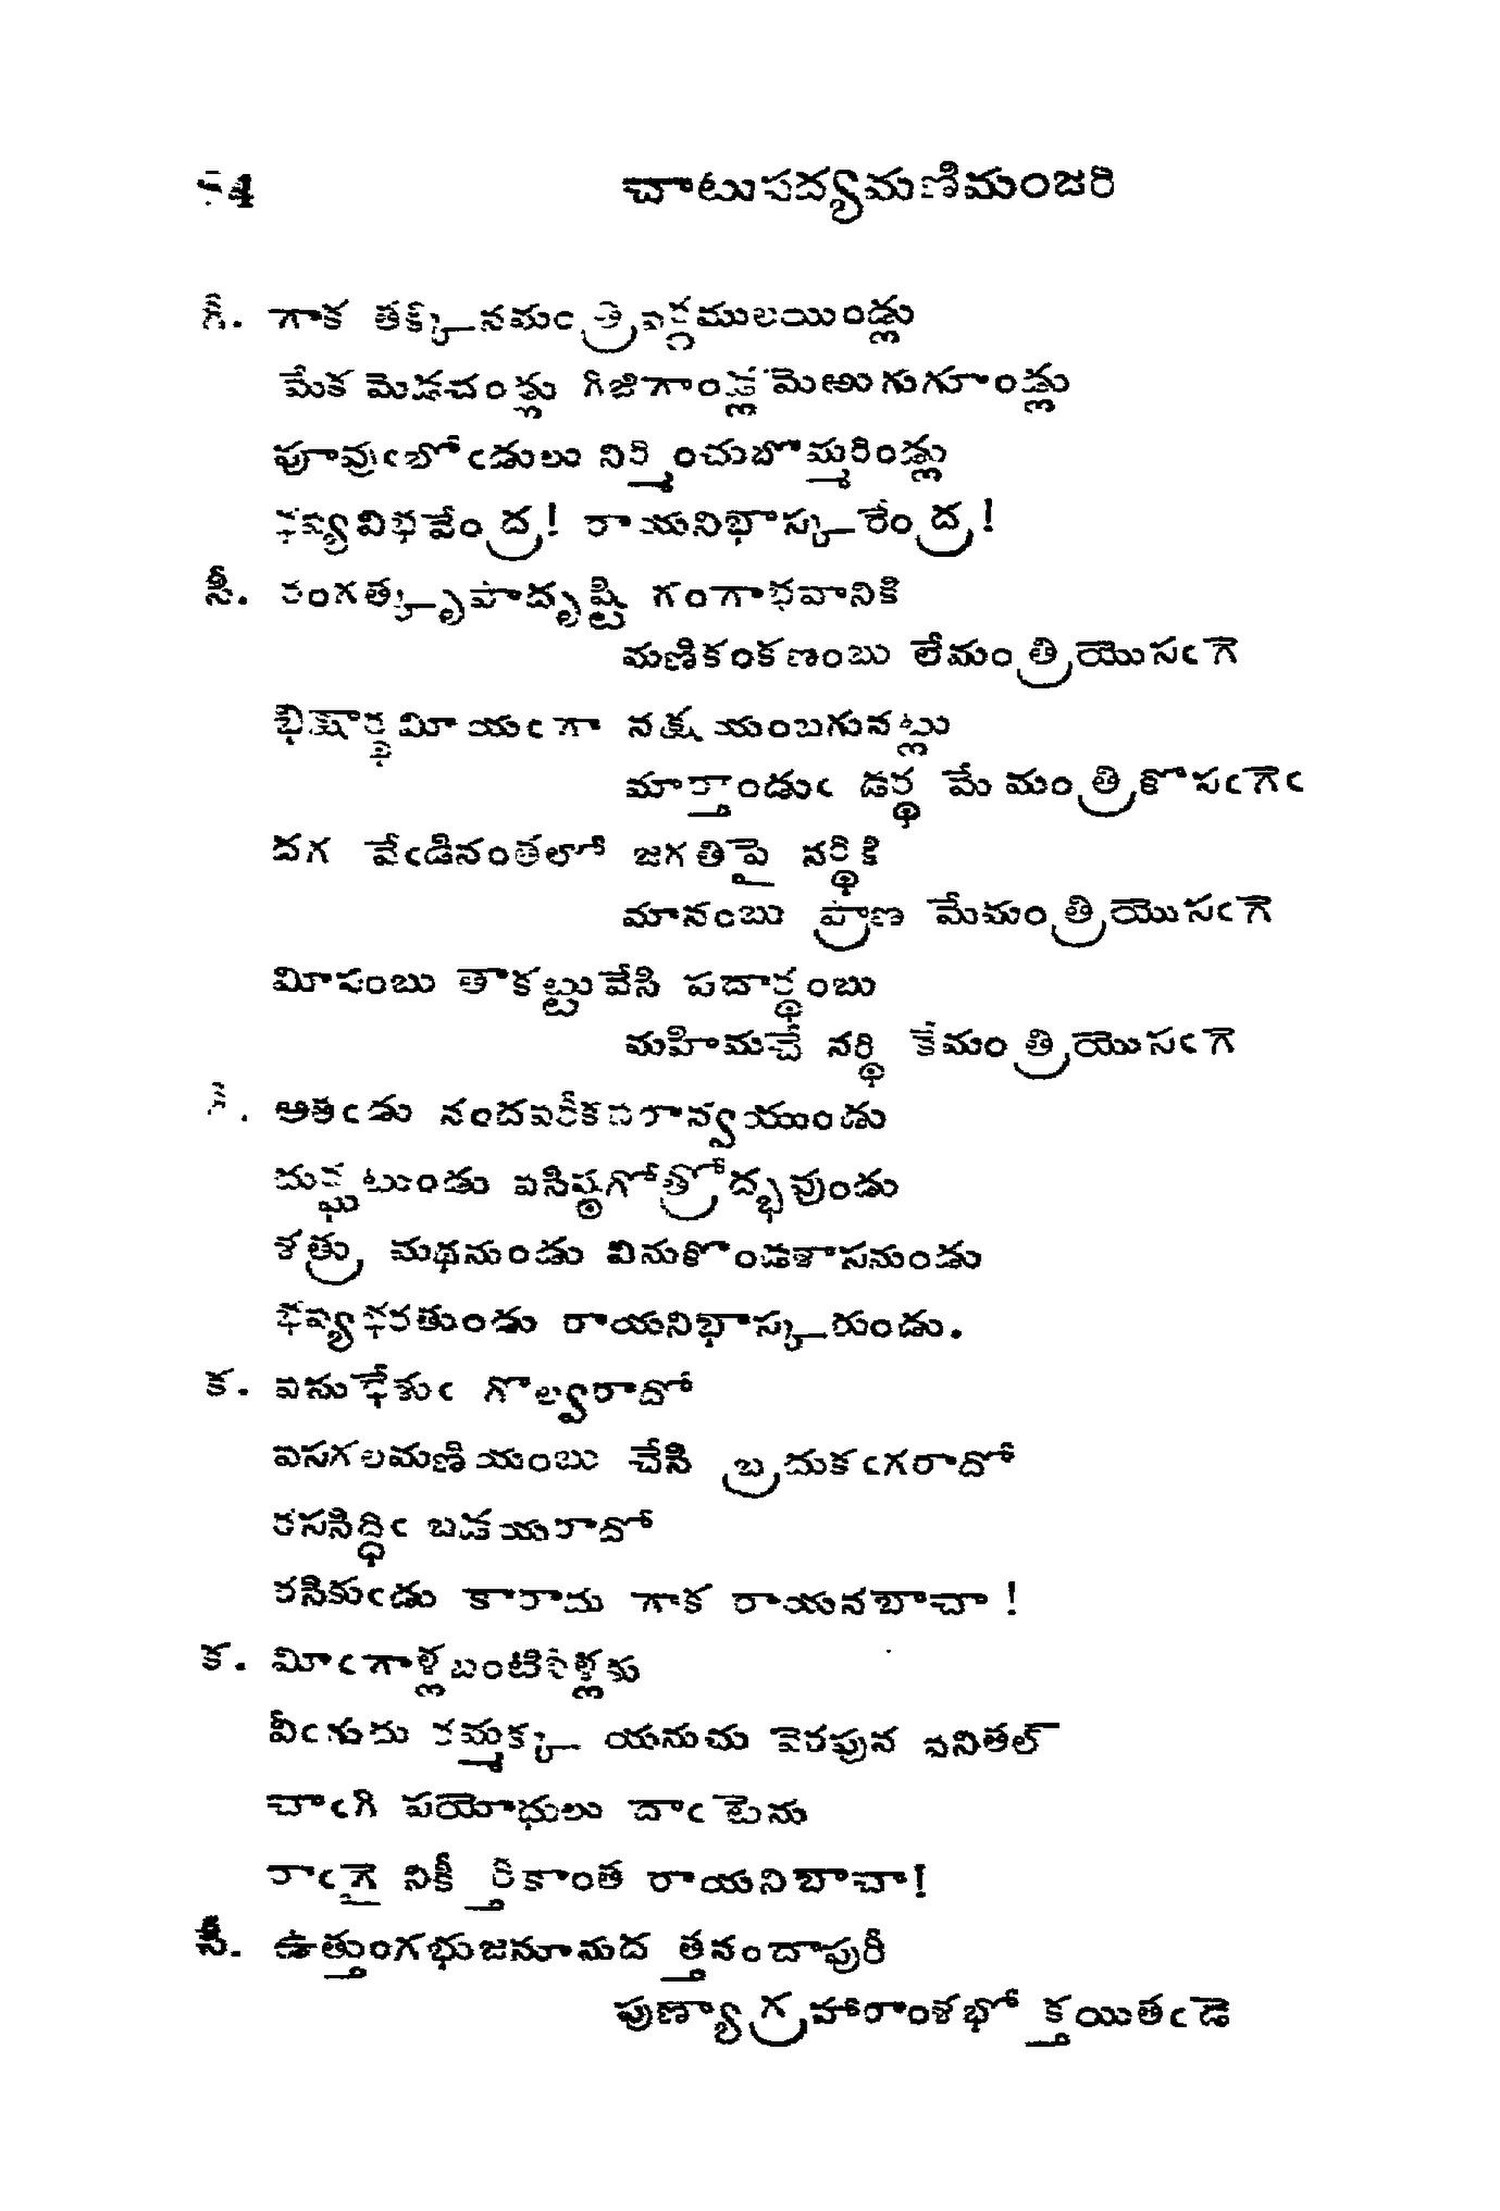గీ. గాక తక్కినమంత్రివర్గములయిండ్లు
 మేకమెడచండ్లు గిజిగాండ్ల మెఱుగుగూండ్లు
 పూవుఁబోఁడులు నిర్మించు బొమ్మరిండ్లు
 భవ్యవిభవేంద్ర! రాయనిభాస్కరేంద్ర!
సీ. రంగత్కృపాదృష్టి గంగాభవానికి
 మణికంకణంబు లేమంత్రి యొసఁగె
 భిక్షార్థ మీయఁగా నక్షయం బగునట్లు
 మార్తాండుఁ డర్థ మేమంత్రి కొసఁగెఁ
 దగ వేఁడినంతలో జగతిపై నర్థికి
 మానంబు ప్రాణ మేమంత్రి యొసఁగె
 మీసంబు తాకట్టు వేసి పదార్థంబు
 మహిమచే నర్థి కేమంత్రి యొసఁగె
గీ. అతఁడు నందవరీకవరాన్వయుండు
 దుర్ఘటుండు వసిష్ఠగోత్రోద్భవుండు
 శత్రుమథనుండు వినుకొండశాసనుండు
 భవ్యభరతుండు రాయనిభాస్కరుండు.
క. వసుధేశుఁ గొల్వరాదో
 పసగలమణియంబు చేసి బ్రదుకఁగరాదో
 రససిద్ధిఁ బడయరాదో
 రసికుఁడు కారాదు గాక రాయినబాచా!
క. మీఁగాళ్లబంటినీళ్ళకు
 వీఁగుదు రమ్మక్క యనుచు వెరపున వనితల్
 చాఁగి పయోధులు దాఁటెను
 రాఁగై నీకీర్తికాంత రాయనిబాచా!
సీ. ఉత్తుంగభుజసూనుదత్తనందాపురీ
 పుణ్యాగ్రహారాంశభోక్త యితఁడె